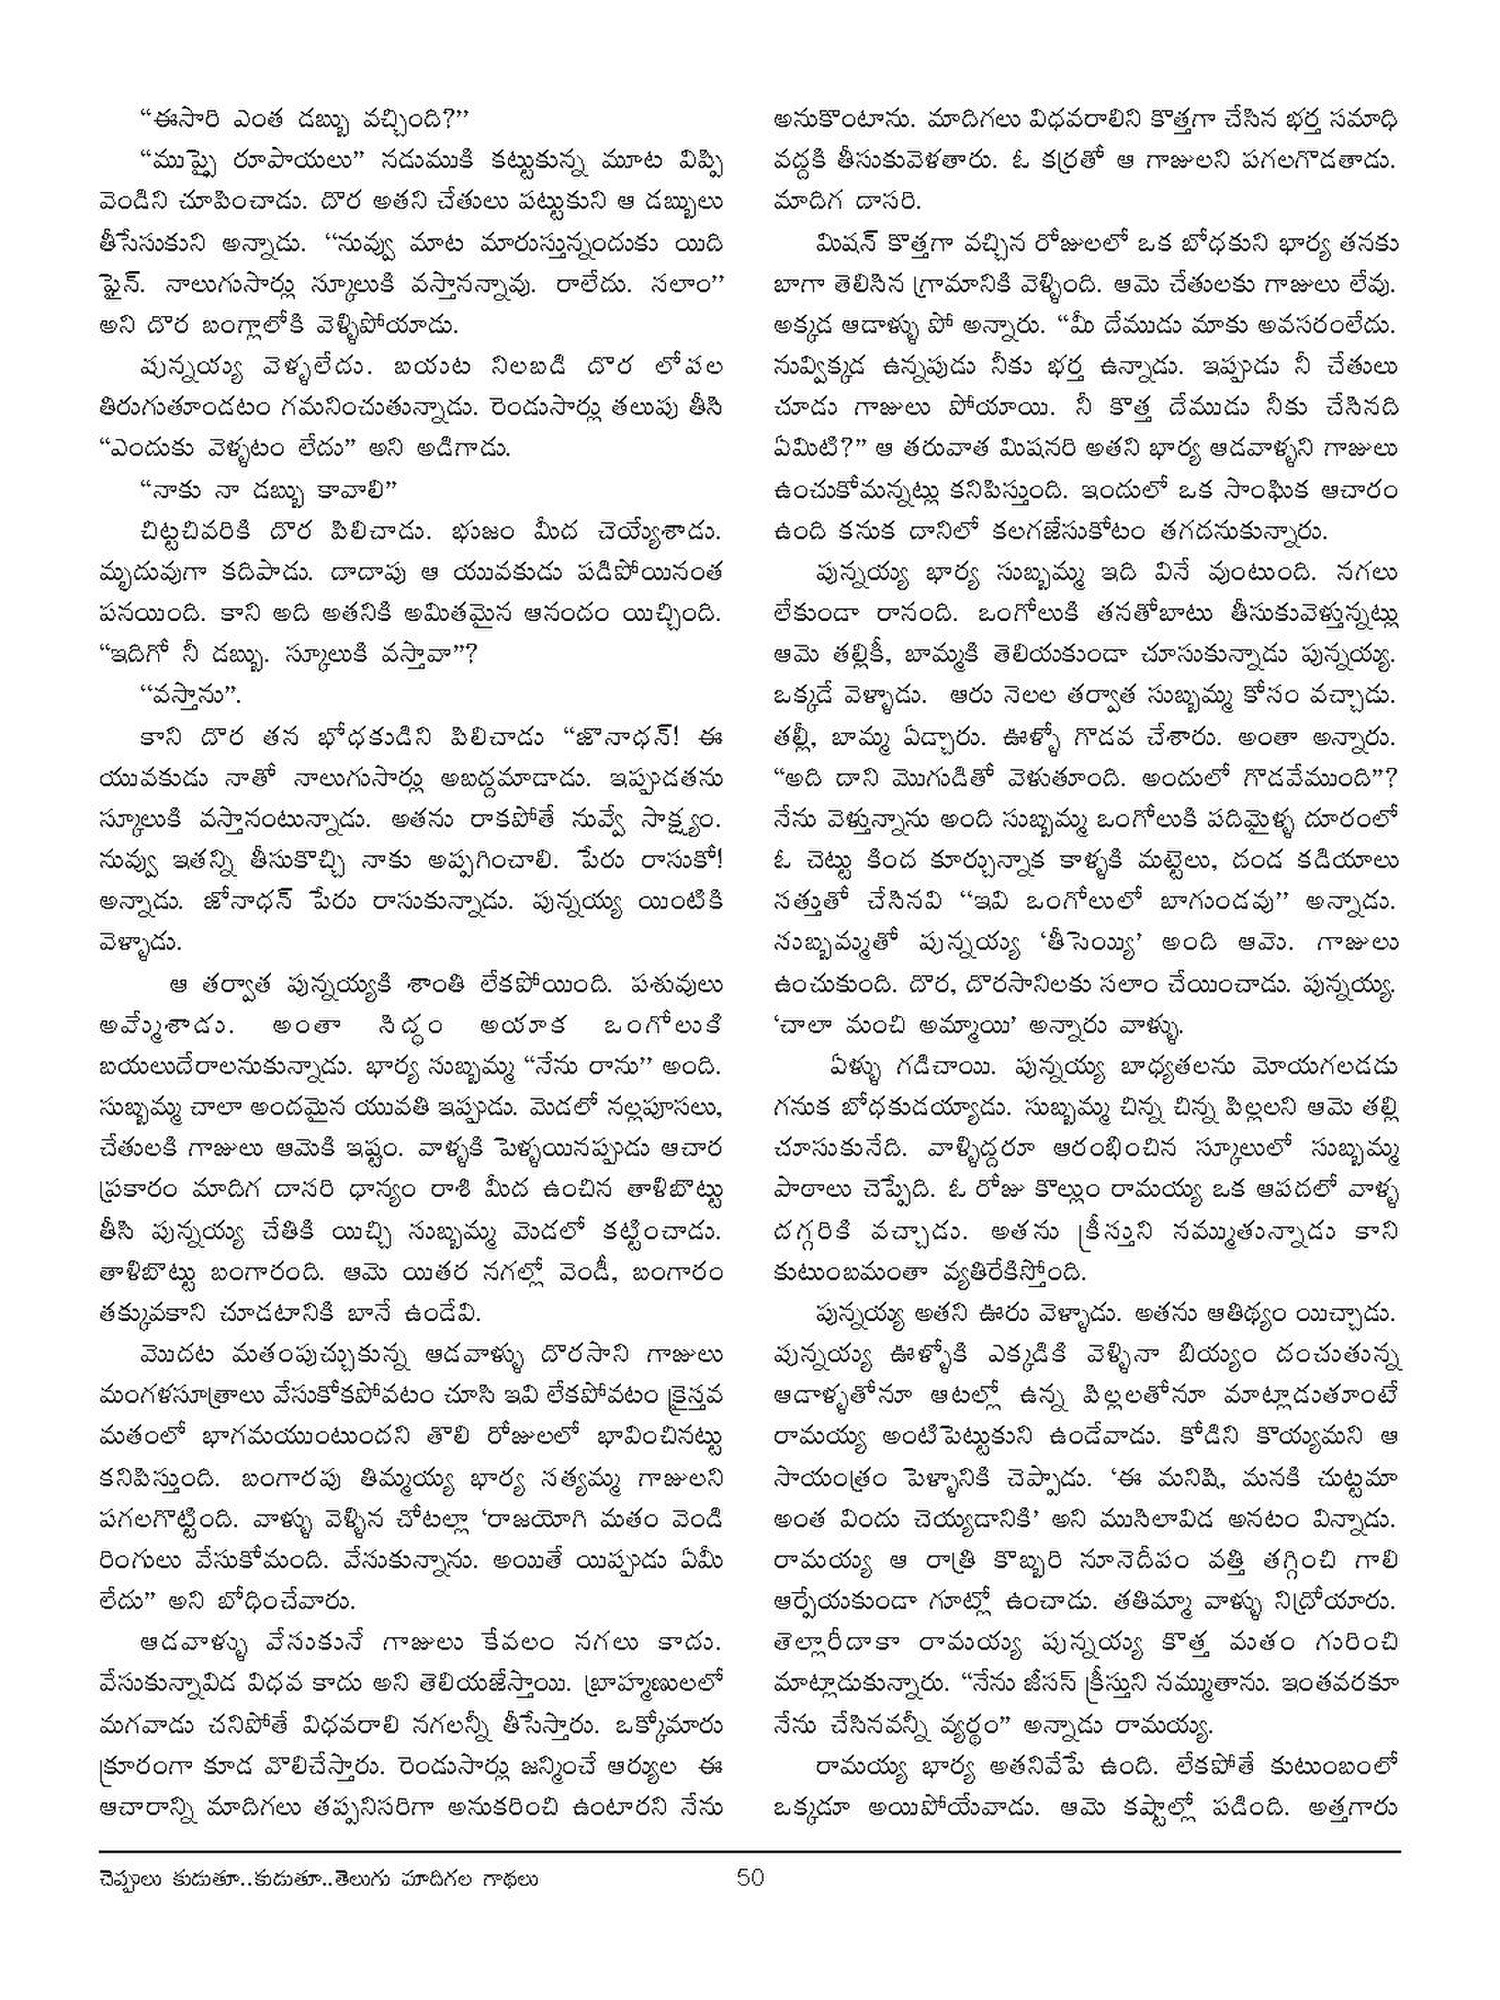"ఈసారి ఎంత డబ్బు వచ్చింది?"

“ముప్పై రూపాయలు” నడుముకి కట్టుకున్న మూట విప్పి వెండిని చూపించాడు. దొర అతని చేతులు పట్టుకుని ఆ డబ్బులు తీసేసుకుని అన్నాడు. "నువ్వు మాట మారుస్తున్నందుకు యిది ఫైన్. నాలుగుసార్లు స్కూలుకి వస్తానన్నావు. రాలేదు. సలాం" అని దొర బంగ్లాలోకి వెళ్ళిపోయాడు.

పున్నయ్య వెళ్ళలేదు. బయట నిలబడి దొర లోపల తిరుగుతూండటం గమనించుతున్నాడు. రెండుసార్లు తలుపు తీసి "ఎందుకు వెళ్ళటం లేదు" అని అడిగాడు.

"నాకు నా డబ్బు కావాలి”

చిట్టచివరికి దొర పిలిచాడు. భుజం మీద చెయ్యేశాడు. మృదువుగా కదిపాడు. దాదాపు ఆ యువకుడు పడిపోయినంత పనయింది. కాని అది అతనికి అమితమైన ఆనందం యిచ్చింది. "ఇదిగో నీ డబ్బు. స్కూలుకి వస్తావా"?

"వస్తాను".

కాని దొర తన భోధకుడిని పిలిచాడు "జొనాధన్! ఈ యువకుడు నాతో నాలుగుసార్లు అబద్దమాడాడు. ఇప్పుడతను స్కూలుకి వస్తానంటున్నాడు. అతను రాకపోతే నువ్వే సాక్ష్యం. నువ్వు ఇతన్ని తీసుకొచ్చి నాకు అప్పగించాలి. పేరు రాసుకో! అన్నాడు. జోనాథన్ పేరు రాసుకున్నాడు. పున్నయ్య యింటికి వెళ్ళాడు.

ఆ తర్వాత పున్నయ్యకి శాంతి లేకపోయింది. పశువులు అమ్మేశాడు. అంతా సిద్ధం అయాక ఒంగోలుకి
బయలుదేరాలనుకున్నాడు. భార్య సుబ్బమ్మ "నేను రాను" అంది. సుబ్బమ్మ చాలా అందమైన యువతి ఇప్పుడు. మెడలో నల్లపూసలు, చేతులకి గాజులు ఆమెకి ఇష్టం. వాళ్ళకి పెళ్ళయినప్పుడు ఆచార
ప్రకారం మాదిగ దాసరి ధాన్యం రాశి మీద ఉంచిన తాళిబొట్టు తీసి పున్నయ్య చేతికి యిచ్చి సుబ్బమ్మ మెడలో కట్టించాడు. తాళిబొట్టు బంగారంది. ఆమె యితర నగల్లో వెండీ, బంగారం తక్కువకాని చూడటానికి బానే ఉండేవి.

మొదట మతంపుచ్చుకున్న ఆడవాళ్ళు దొరసాని గాజులు మంగళసూత్రాలు వేసుకోకపోవటం చూసి ఇవి లేకపోవటం క్రైస్తవమతంలో భాగమయుంటుందని తొలి రోజులలో భావించినట్టు కనిపిస్తుంది. బంగారపు తిమ్మయ్య భార్య సత్యమ్మ గాజులని పగలగొట్టింది. వాళ్ళు వెళ్ళిన చోటల్లా 'రాజయోగి మతం వెండిరింగులు వేసుకోమంది. వేసుకున్నాను. అయితే యిప్పుడు ఏమీ లేదు” అని బోధించేవారు.

ఆడవాళ్ళు వేసుకునే గాజులు కేవలం నగలు కాదు. వేసుకున్నావిడ విధవ కాదు అని తెలియజేస్తాయి. బ్రాహ్మణులలో మగవాడు చనిపోతే విధవరాలి నగలన్నీ తీసేస్తారు. ఒక్కోమారు క్రూరంగా కూడ వొలిచేస్తారు. రెండుసార్లు జన్మించే ఆర్యుల ఈ ఆచారాన్ని మాదిగలు తప్పనిసరిగా అనుకరించి ఉంటారని నేను
అనుకొంటాను. మాదిగలు విధవరాలిని కొత్తగా చేసిన భర్త సమాధి వద్దకి తీసుకువెళతారు. ఓ కర్రతో ఆ గాజులని పగలగొడతాడు. మాదిగ దాసరి.

మిషన్ కొత్తగా వచ్చిన రోజులలో ఒక బోధకుని భార్య తనకు బాగా తెలిసిన గ్రామానికి వెళ్ళింది. ఆమె చేతులకు గాజులు లేవు. అక్కడ ఆడాళ్ళు పో అన్నారు. "మీ దేముడు మాకు అవసరంలేదు. నువ్విక్కడ ఉన్నపుడు నీకు భర్త ఉన్నాడు. ఇప్పుడు నీ చేతులు చూడు గాజులు పోయాయి. నీ కొత్త దేముడు నీకు చేసినది ఏమిటి?" ఆ తరువాత మిషనరీ అతని భార్య ఆడవాళ్ళని గాజులు ఉంచుకోమన్నట్లు కనిపిస్తుంది. ఇందులో ఒక సాంఘిక ఆచారం ఉంది కనుక దానిలో కలగజేసుకోటం తగదనుకున్నారు.

పున్నయ్య భార్య సుబ్బమ్మ ఇది వినే వుంటుంది. నగలు లేకుండా రానంది. ఒంగోలుకి తనతోబాటు తీసుకువెళ్తున్నట్లు ఆమె తల్లికీ, బామ్మకి తెలియకుండా చూసుకున్నాడు పున్నయ్య. ఒక్కడే వెళ్ళాడు. ఆరు నెలల తర్వాత సుబ్బమ్మ కోసం వచ్చాడు. తల్లీ, బామ్మ ఏడ్చారు. ఊళ్ళో గొడవ చేశారు. అంతా అన్నారు.
"అది దాని మొగుడితో వెళుతూంది. అందులో గొడవేముంది”? నేను వెళ్తున్నాను అంది సుబ్బమ్మ ఒంగోలుకి పదిమైళ్ళ దూరంలో ఓ చెట్టు కింద కూర్చున్నాక కాళ్ళకి మట్టెలు, దండ కడియాలు సత్తుతో చేసినవి “ఇవి ఒంగోలులో బాగుండవు" అన్నాడు. సుబ్బమ్మతో పున్నయ్య 'తీసెయ్యి' అంది ఆమె. గాజులు ఉంచుకుంది. దొర, దొరసానిలకు సలాం చేయించాడు. పున్నయ్య. 'చాలా మంచి అమ్మాయి' అన్నారు వాళ్ళు.

ఏళ్ళు గడిచాయి. పున్నయ్య బాధ్యతలను మోయగలడడు గనుక బోధకుడయ్యాడు. సుబ్బమ్మ చిన్న చిన్న పిల్లలని ఆమె తల్లి చూసుకునేది. వాళ్ళిద్దరూ ఆరంభించిన స్కూలులో సుబ్బమ్మ పాఠాలు చెప్పేది. ఓ రోజు కొల్లుం రామయ్య ఒక ఆపదలో వాళ్ళ దగ్గరికి వచ్చాడు. అతను క్రీస్తుని నమ్ముతున్నాడు కాని
కుటుంబమంతా వ్యతిరేకిస్తోంది.

పున్నయ్య అతని ఊరు వెళ్ళాడు. అతను ఆతిథ్యం యిచ్చాడు. పున్నయ్య ఊళ్ళోకి ఎక్కడికి వెళ్ళినా బియ్యం దంచుతున్న ఆడాళ్ళతోనూ ఆటల్లో ఉన్న పిల్లలతోనూ మాట్లాడుతూంటే రామయ్య అంటిపెట్టుకుని ఉండేవాడు. కోడిని కొయ్యమని ఆ సాయంత్రం పెళ్ళానికి చెప్పాడు. 'ఈ మనిషి, మనకి చుట్టమా అంత విందు చెయ్యడానికి' అని ముసిలావిడ అనటం విన్నాడు. రామయ్య ఆ రాత్రి కొబ్బరి నూనెదీపం వత్తి తగ్గించి గాలి ఆర్పేయకుండా గూట్లో ఉంచాడు. తతిమ్మా వాళ్ళు నిద్రోయారు. తెల్లారీదాకా రామయ్య పున్నయ్య కొత్త మతం గురించి మాట్లాడుకున్నారు. "నేను జీసస్ క్రీస్తుని నమ్ముతాను. ఇంతవరకూ
నేను చేసినవన్నీ వ్యర్ధం" అన్నాడు రామయ్య.

రామయ్య భార్య అతనివేపే ఉంది. లేకపోతే కుటుంబంలో ఒక్కడూ అయిపోయేవాడు. ఆమె కష్టాల్లో పడింది. అత్తగారు